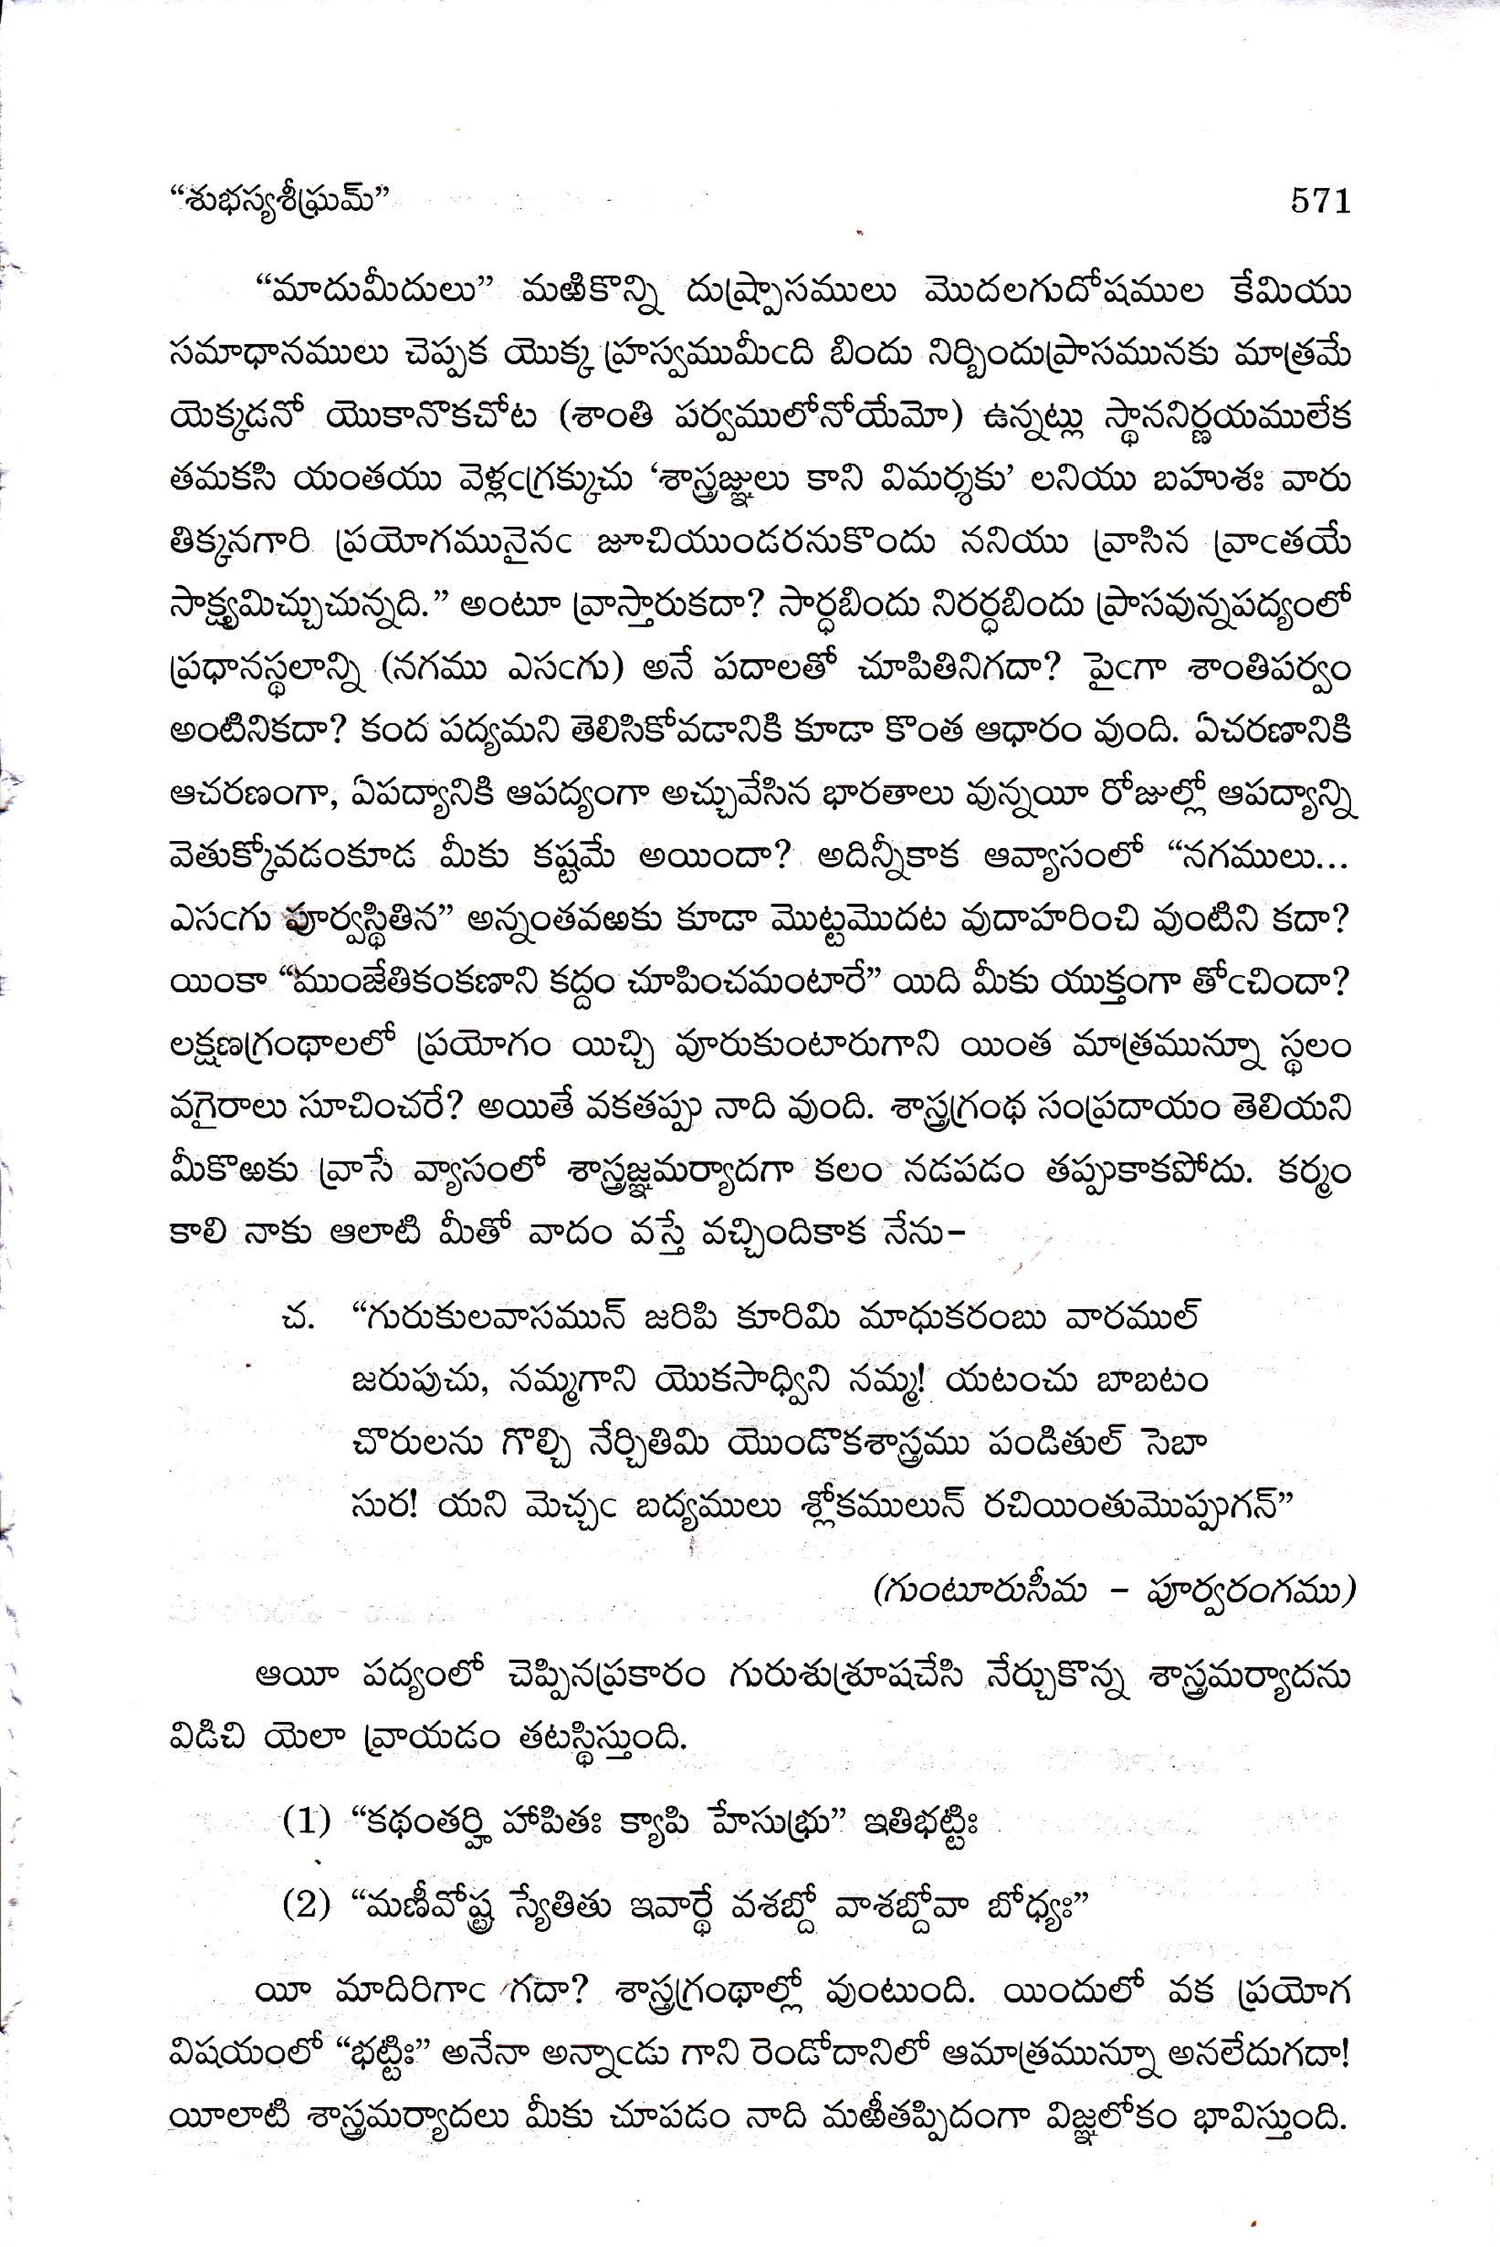“మాదుమీదులు” మఱికొన్ని దుష్ప్రాసములు మొదలగుదోషముల కేమియు సమాధానములు చెప్పక యొక్క హ్రస్వముమీఁది బిందు నిర్బిందుప్రాసమునకు మాత్రమే యెక్కడనో యొకానొకచోట (శాంతి పర్వములోనోయేమో) ఉన్నట్లు స్థాననిర్ణయములేక తమకసి యంతయు వెళ్లఁగ్రక్కుచు 'శాస్త్రజ్ఞులు కాని విమర్శకు' లనియు బహుశః వారు తిక్కనగారి ప్రయోగమునైనఁ జూచియుండరనుకొందు ననియు వ్రాసిన వ్రాఁతయే సాక్ష్యమిచ్చుచున్నది." అంటూ వ్రాస్తారుకదా? సార్థబిందు నిరర్థబిందు ప్రాసవున్నపద్యంలో ప్రధానస్థలాన్ని (నగము ఎసఁగు) అనే పదాలతో చూపితినిగదా? పైఁగా శాంతిపర్వం అంటినికదా? కంద పద్యమని తెలిసికోవడానికి కూడా కొంత ఆధారం వుంది. ఏచరణానికి ఆచరణంగా, ఏపద్యానికి ఆపద్యంగా అచ్చువేసిన భారతాలు వున్నయీ రోజుల్లో ఆపద్యాన్ని వెతుక్కోవడంకూడ మీకు కష్టమే అయిందా? అదిన్నీకాక ఆవ్యాసంలో “నగములు. ఎసఁగు పూర్వస్థితిన" అన్నంతవఱకు కూడా మొట్టమొదట వుదాహరించి వుంటిని కదా? యింకా “ముంజేతికంకణాని కద్దం చూపించమంటారే" యిది మీకు యుక్తంగా తోఁచిందా? లక్షణగ్రంథాలలో ప్రయోగం యిచ్చి వూరుకుంటారుగాని యింత మాత్రమున్నూ స్థలం వగైరాలు సూచించరే? అయితే వకతప్పు నాది వుంది. శాస్త్రగ్రంథ సంప్రదాయం తెలియని మీకొఱకు వ్రాసే వ్యాసంలో శాస్త్రజ్ఞమర్యాదగా కలం నడపడం తప్పుకాకపోదు. కర్మం కాలి నాకు ఆలాటి మీతో వాదం వస్తే వచ్చిందికాక నేను- 

చ. "గురుకులవాసమున్ జరిపి కూరిమి మాధుకరంబు వారముల్ 
 జరుపుచు, నమ్మగాని యొకసాధ్విని నమ్మ! యటంచు బాబటం 
 చొరులను గొల్చి నేర్చితిమి యొండొకశాస్త్రము పండితుల్ సెబా 
 సుర! యని మెచ్చఁ బద్యములు శ్లోకములున్ రచియింతు మొప్పుగన్" 
 (గుంటూరుసీమ - పూర్వరంగము)
ఆయీ పద్యంలో చెప్పినప్రకారం గురుశుశ్రూషచేసి నేర్చుకొన్న శాస్త్రమర్యాదను విడిచి యెలా వ్రాయడం తటస్థిస్తుంది.

(1) “కథంతర్హి హాపితః క్యాపి హేసుభ్రు” ఇతిభట్టిః 

(2) "మణీవోష్ట్ర స్యేతితు ఇవార్థే వశబ్దో వాశబ్దోవా బోధ్య" 

యీ మాదిరిగాఁ గదా? శాస్త్రగ్రంథాల్లో వుంటుంది. యిందులో వక ప్రయోగ విషయంలో "భట్టి" అనేనా అన్నాఁడు గాని రెండోదానిలో ఆమాత్రమున్నూ అనలేదుగదా! యీలాటి శాస్త్రమర్యాదలు మీకు చూపడం నాది మఱీతప్పిదంగా విజ్ఞలోకం భావిస్తుంది.